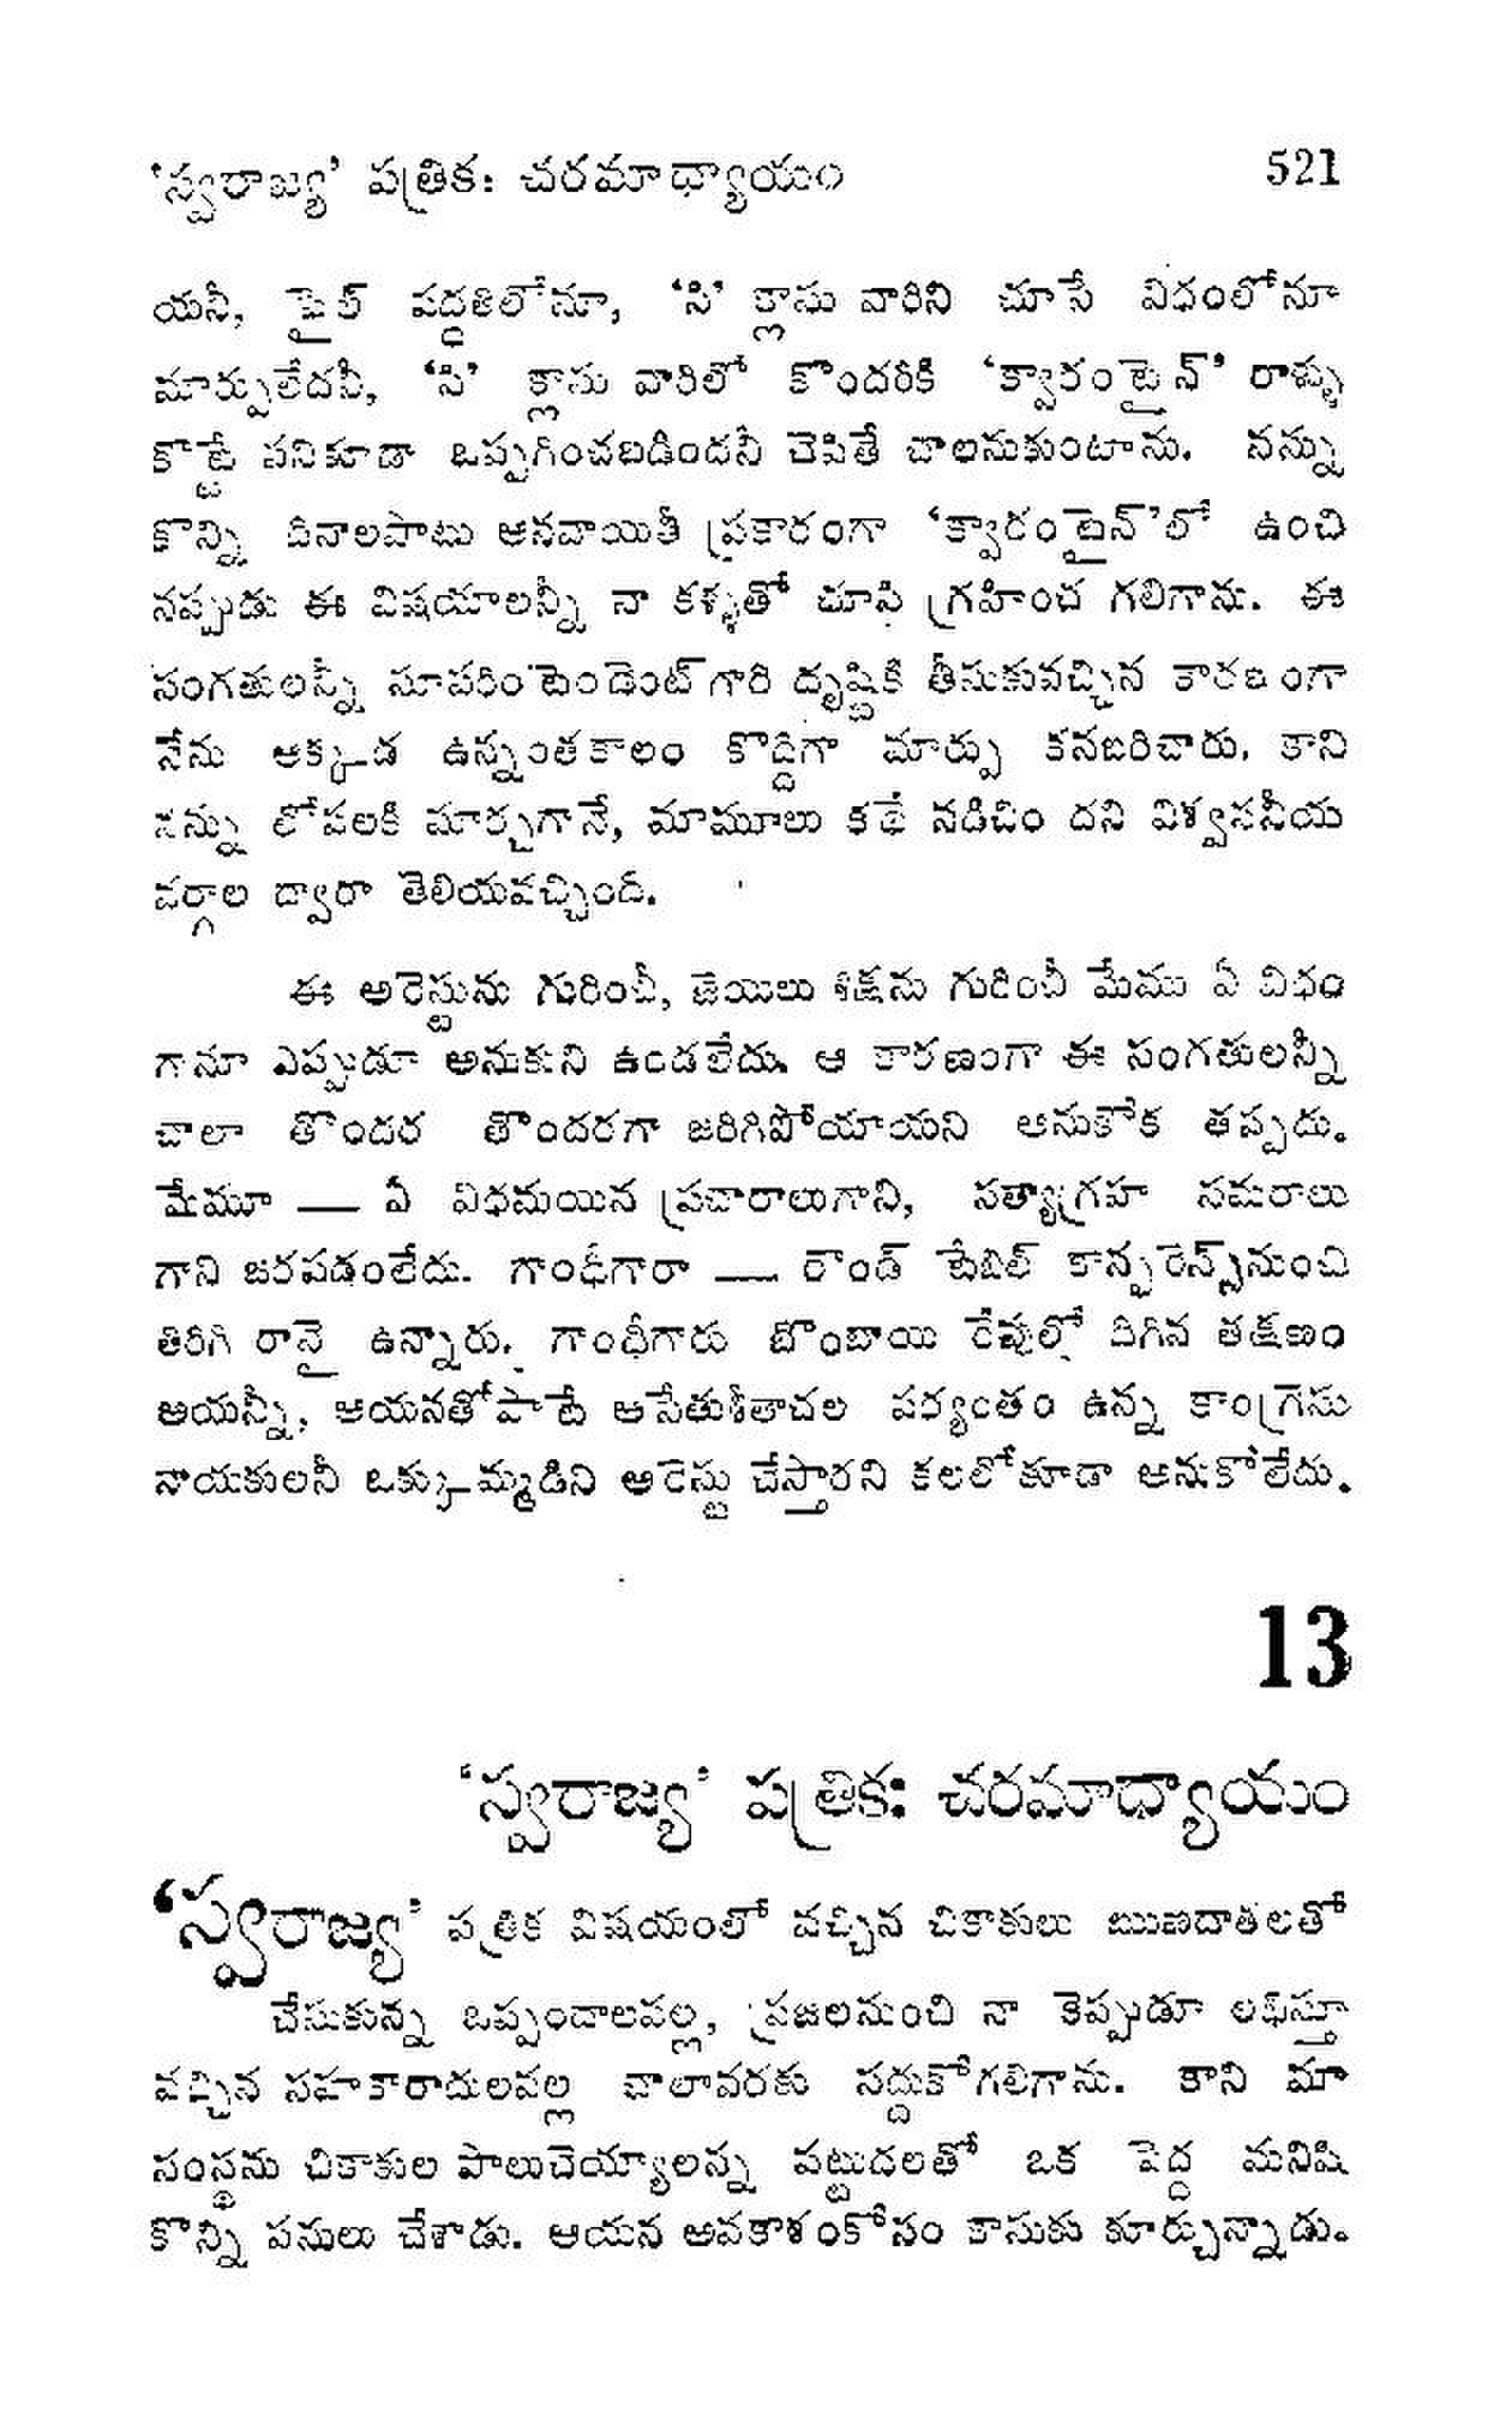యనీ, పైల్ పద్దతిలోనూ, 'సి' క్లాసు వారిని చూసే విధంలోనూ మార్పులేదనీ, 'సి' క్లాసు వారిలో కొందరికి 'క్వారంటైన్‌' రాళ్ళు కొట్టే పనికూడా ఒప్పగించ బడిందనీ చెపితే చాలనుకుంటాను. నన్ను కొన్ని దినాలపాటు ఆనవాయితీ ప్రకారంగా 'క్వారంటైన్‌'లో ఉంచినప్పుడు ఈ విషయాలన్నీ నా కళ్ళతో చూసి గ్రహించ గలిగాను. ఈ సంగతులన్నీ సూపరింటెండెంట్ గారి దృష్టికి తీసుకువచ్చిన కారణంగా నేను అక్కడ ఉన్నంతకాలం కొద్దిగా మార్పు కనబరిచారు. కాని నన్ను లోపలికి మార్చగానే, మామూలు కథే నడిచిందని విశ్వసనీయ వర్గాల ద్వారా తెలియవచ్చింది.

ఈ అరెస్టును గురించీ, జెయిలు శిక్షను గురించీ మేము ఏ విధంగానూ ఎప్పుడూ అనుకుని ఉండలేదు. ఆ కారణంగా ఈ సంగతులన్నీ చాలా తొందర తొందరగా జరిగిపోయాయని అనుకోక తప్పదు. మేమూ - ఏ విధమయిన ప్రచారాలుగాని, సత్యాగ్రహ సమరాలుగాని జరపడంలేదు. గాంధీగారా - రౌండ్ టేబిల్ కాన్ఫరెన్స్‌నుంచి తిరిగి రానై ఉన్నారు. గాంధీగారు బొంబాయి రేవులో దిగిన తక్షణం ఆయన్నీ, ఆయనతో పాటే ఆసేతుశీతాచల పర్యంతం ఉన్న కాంగ్రెసు నాయకులనీ ఒక్కుమ్మడిని అరెస్టు చేస్తారని కలలోకూడా అనుకోలేదు.

'స్వరాజ్య' పత్రిక విషయంలో వచ్చిన చికాకులు ఋణదాతలతో చేసుకున్న ఒప్పందాలవల్ల, ప్రజలనుంచి నా కెప్పుడూ లభిస్తూ వచ్చిన సహకారాదులవల్ల చాలావరకు సద్దుకోగలిగాను. కాని మా సంస్థను చికాకుల పాలుచెయ్యాలన్న పట్టుదలతో ఒక పెద్ద మనిషి కొన్ని పనులు చేశాడు. ఆయన అవకాశం కోసం కాసుకు కూర్చున్నాడు.